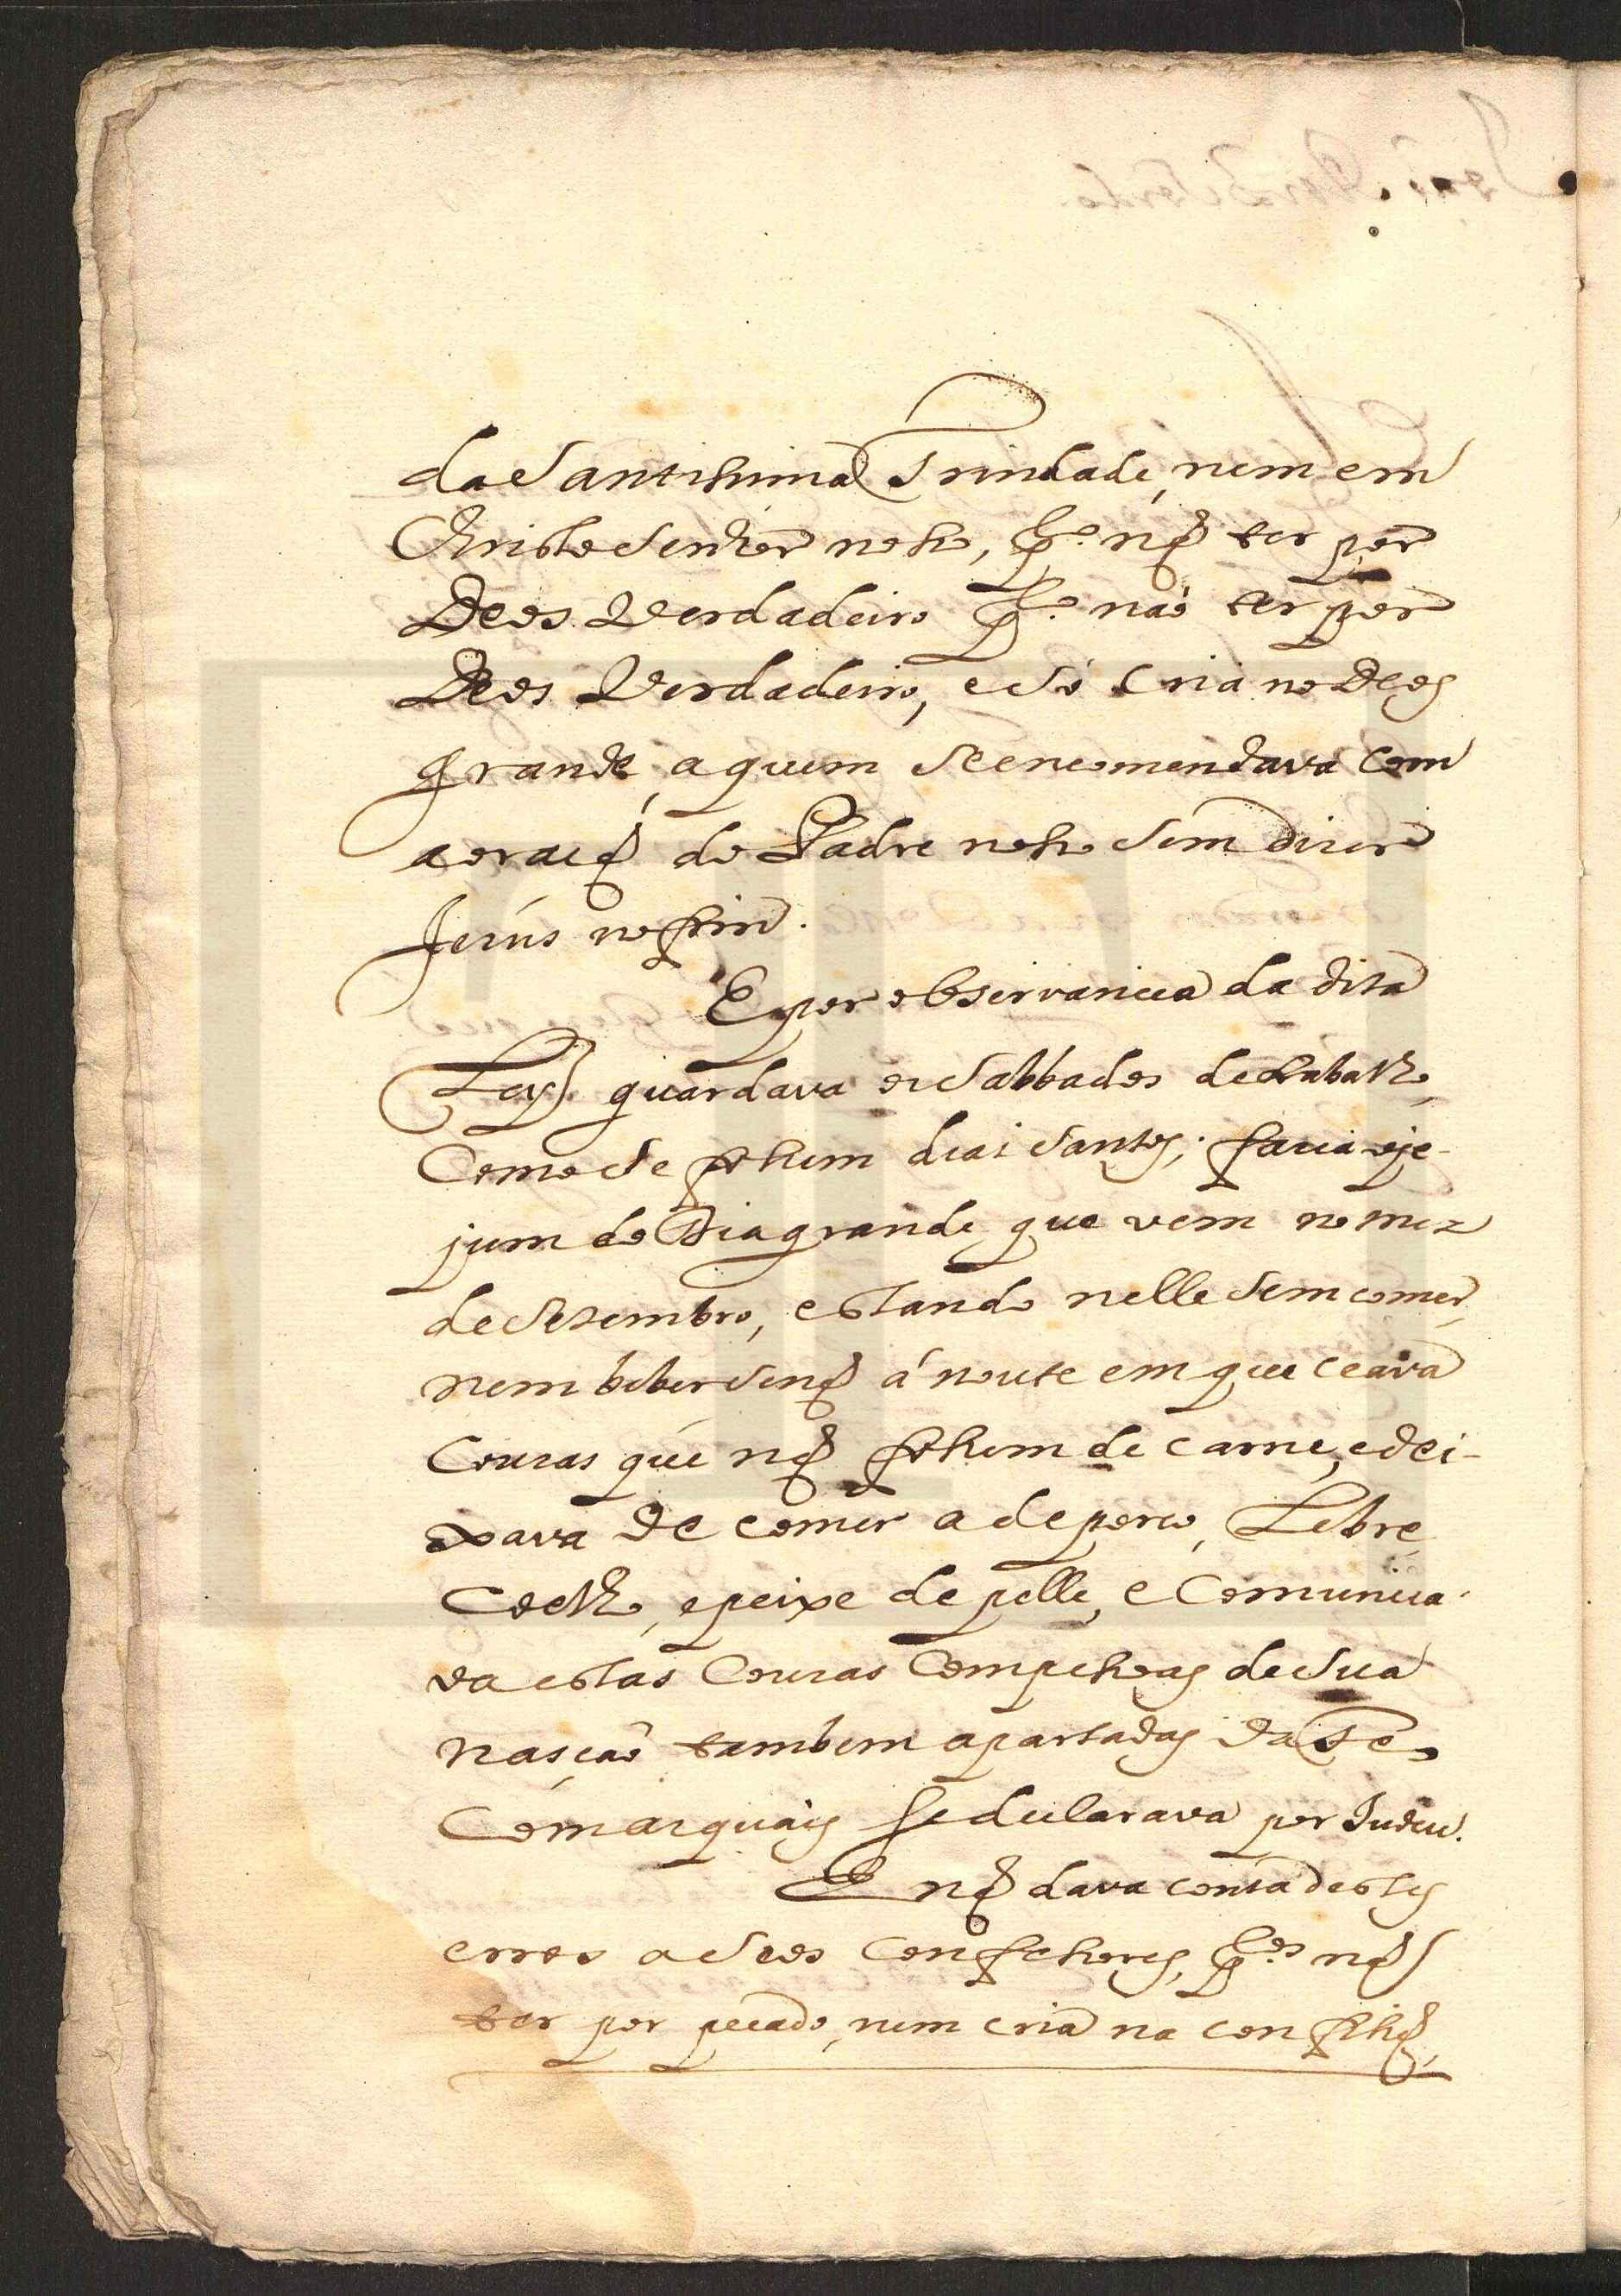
da Santissima Trindade, nem em
Christo senhor nosso, p.lo naõ ter por
Deos Verdadeiro p.lo naõ ter por
Deos Verdadeiro, e só cria no Deos
grande, a quem se encomendava com
a oraçaõ do Padre nosso sem dizer
Jesús no fim.
E por observancia da dita
Ley guardava os Sabbados de trabalho,
Como se fossem dias santos; fazia o je
jum do Dia grande, que vem no mez
de setembro, estando nelle sem comer,
nem beber senaõ á noute em que ceava
couzas que naõ fossem de carne, e dei
xava de comer a de porco, Lebre,
Coelho, e peixe de pelle, e Comunica
va estas Couzas Com pessoas de sua
nasçaõ tambem apartadas da Fe
Com as quais se declarava por Iudeu.
E naõ dava conta destes
erros a seos confesores, p.los naõ
ter por pecado, nem cria na confissaõ,
